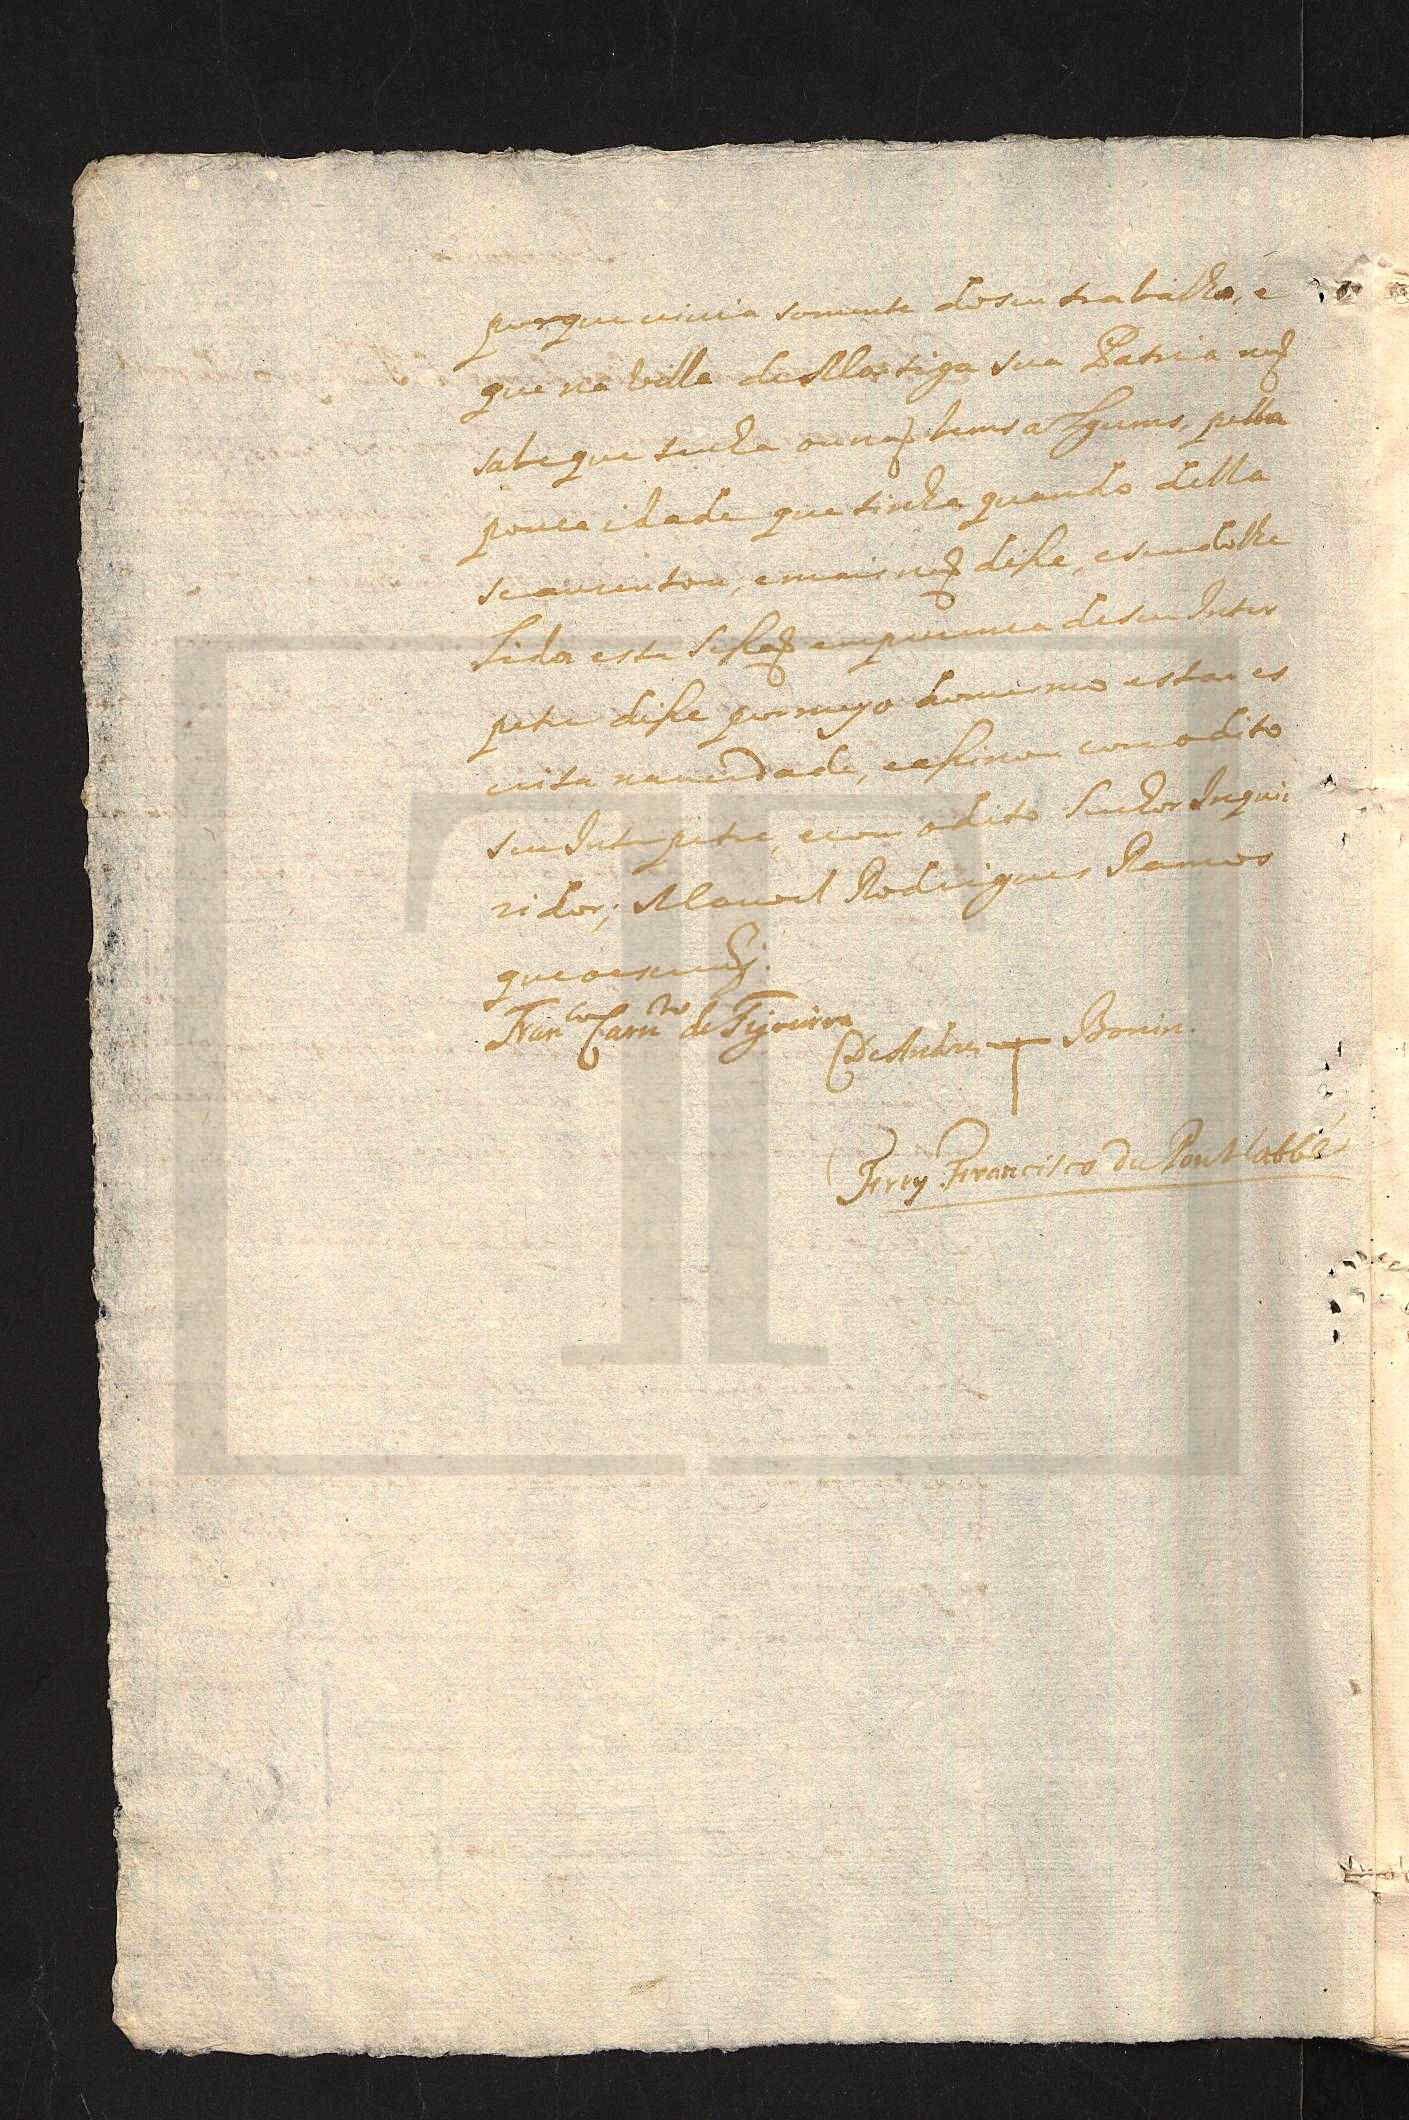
porque uiuia somente do seu trabalho, e
que na villa de Martiga sua Patria naõ
sabe que tinha ou naõ bems algums pella
pouca idade que tinha quando della
se auzentou, e mais naõ disse, e sendolhe
Lida esta sessaõ em prezença de seu Inter
petre disse por meyo do mesmo estar es
crita na uerdade, e assinou com o dito
seu Intrepetre, e com o dito Senhor Inqui
zidor, Manoel Rodrigues Ramos
que o escreuj.
Franco Carnro de Figueiroa
De Andre + Bonin.
Frey Francisco de Pontlabbé
